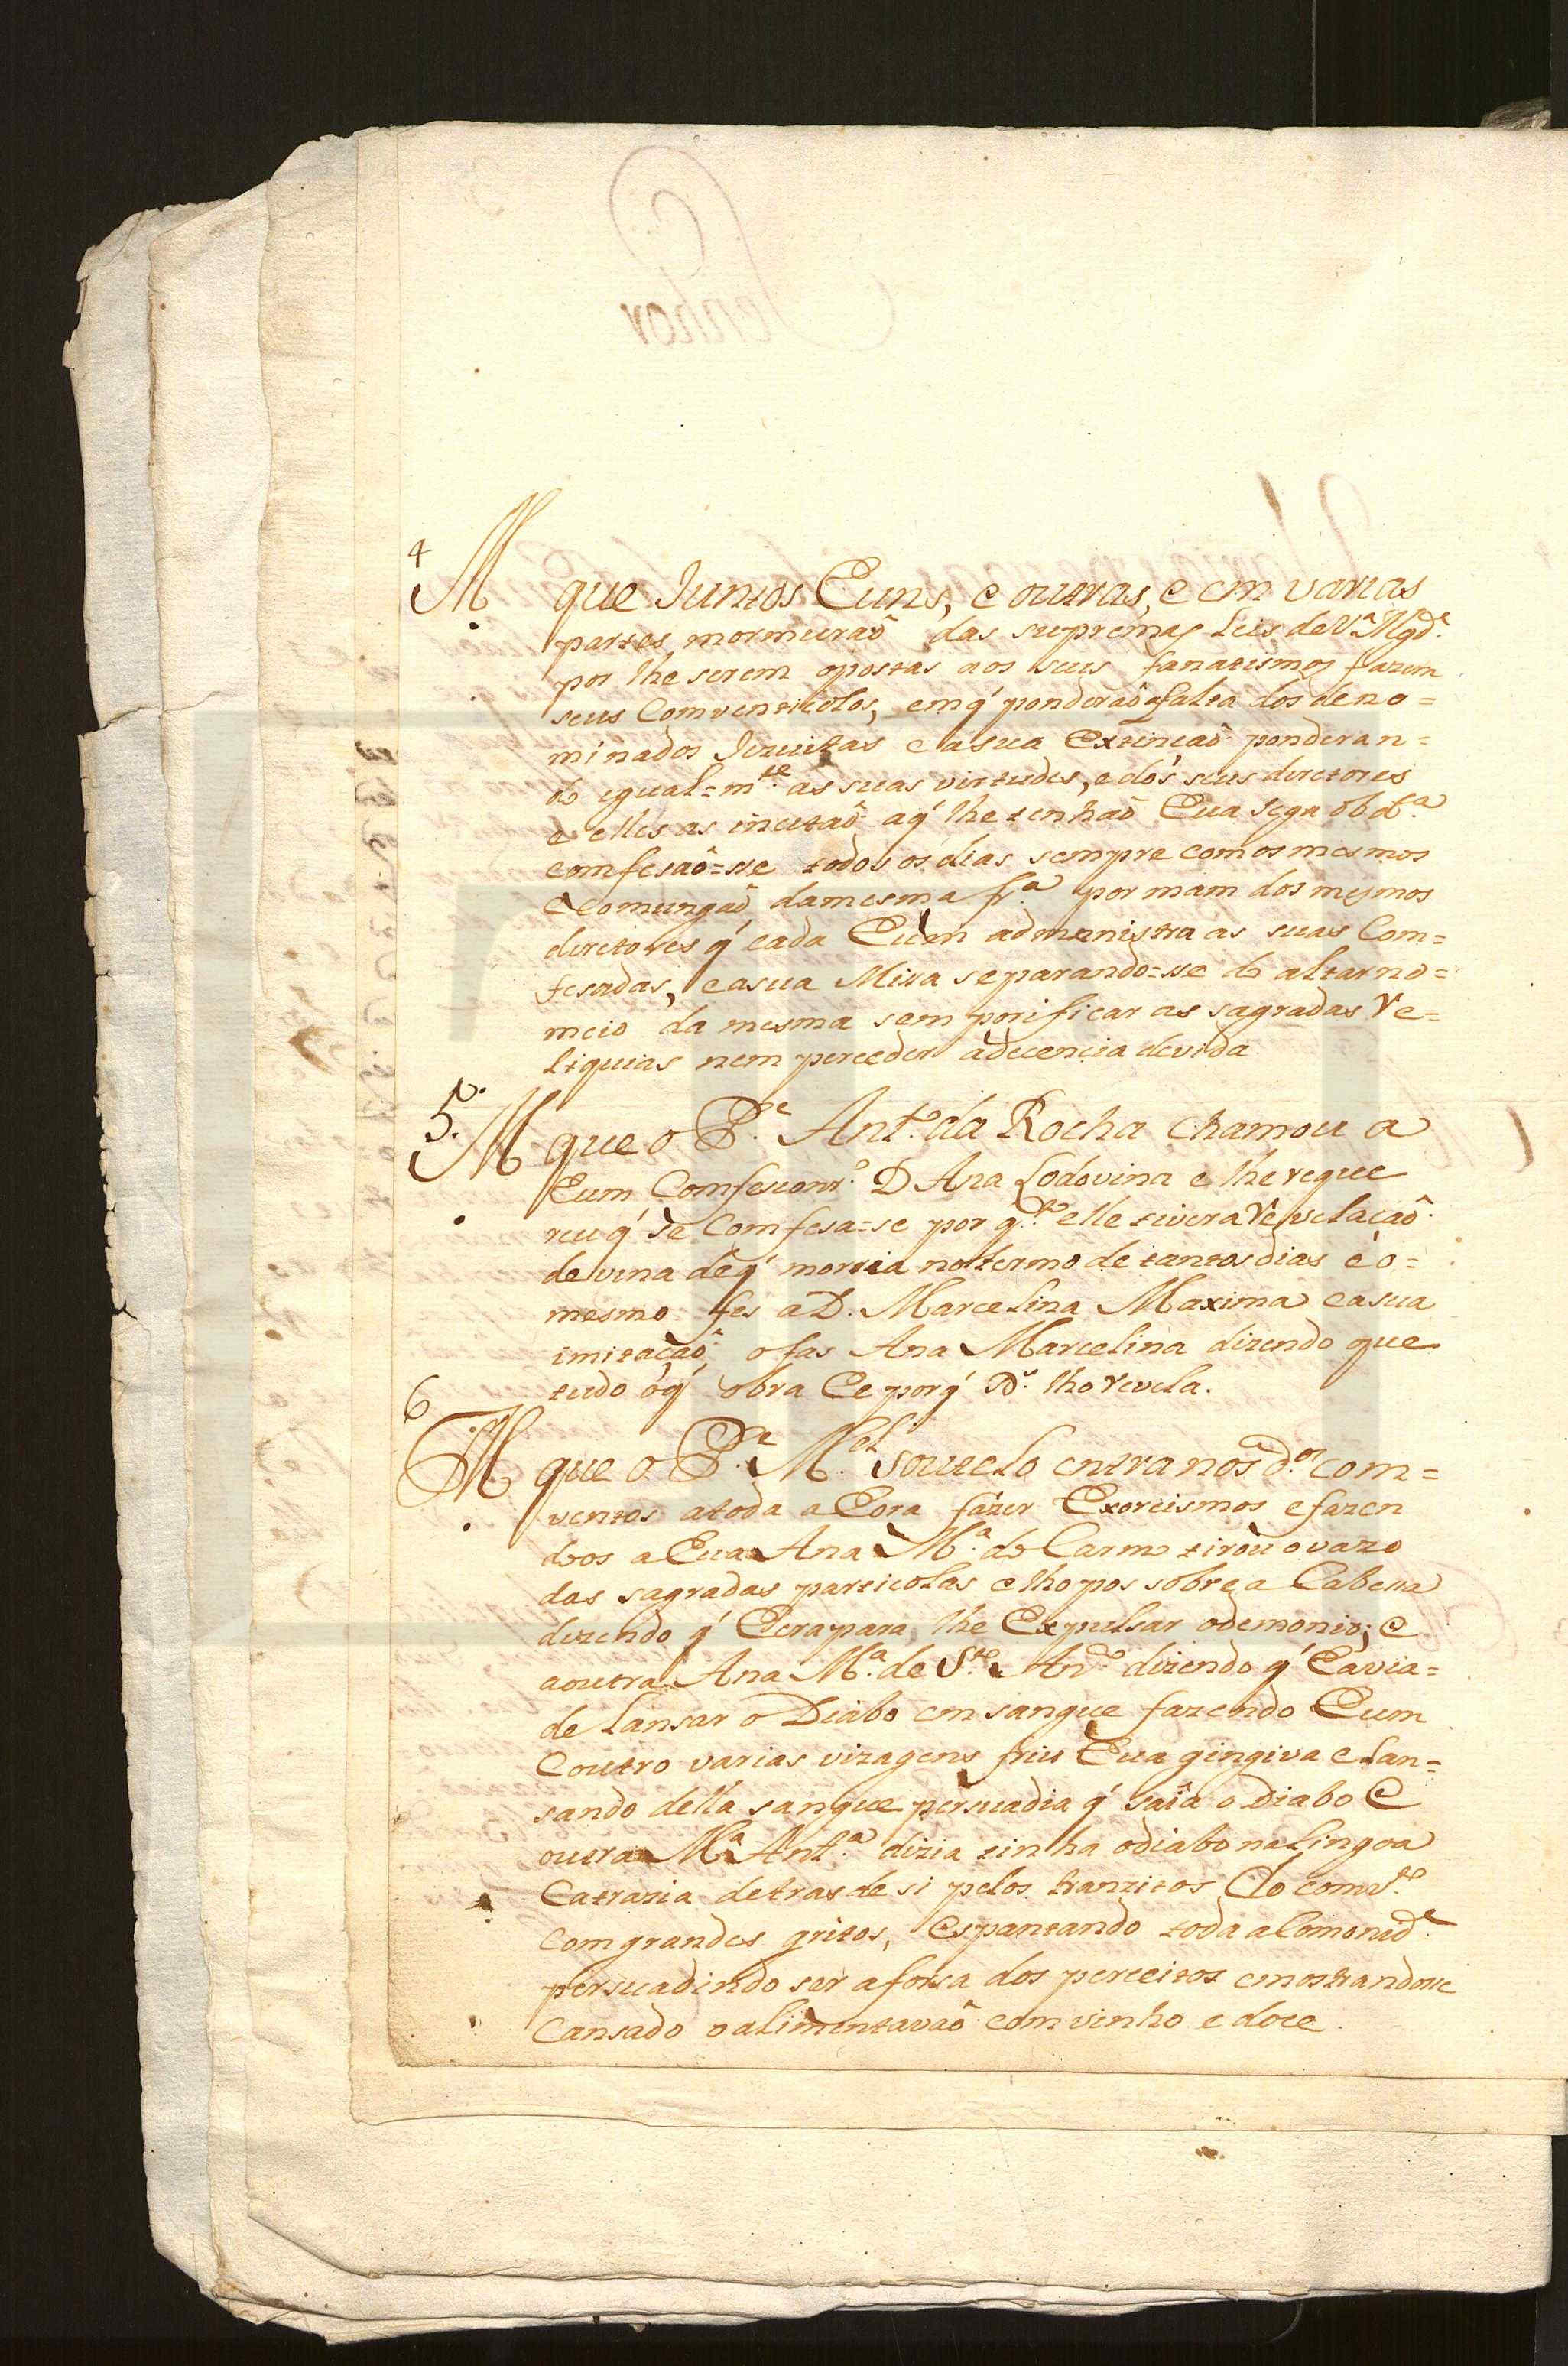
4
M que Iuntos huns, e outros, e em varias
partes mormuraõ das supremas Leis de V.a Magd.e
por lhe serem opostas aos seus fanatismos fazem
seus ComventicoLos, em q̄ ponderaõ a faLta dos deno
minados Iezuitas e a sua extinçaõ ponderan
do iguaL=m.te as suas virtudes, e dos seus diretores
e elles as incitaõ a q̄ lhe tenhaõ hua sega obd̄.a
comfesaõ=sse todos os dias sempre com os mesmos
e comungaõ, da mesma fr.a por mam dos mesmos
diretores q̄ cada hum admonistra as suas Com
fesadas, e a sua Missa separando=sse do aLtar no
meio da mesma sem porificar as sagradas re
Liquias nem perceder adecencia devida
5.
M que o P.e Anto da Rocha chamou a
hum Comfesionr.o D. Ana Lodovina e lhe reque
reu q̄ se Comfesa-se por q.r elle tivera reveLaçaõ
devina de q̄ morria no termo de tantos dias e o
mesmo fes a D. MarceLina Maxima e a sua
imitaçaõ, o fas Ana Marcelina dizendo que
tudo o q̄ obra he porq̄ D.s lho revela.
6
M que o P.e M.eL souteLo entra nos d.os com
ventos a toda a hora fazer Exorcismos e fazen
doos a hua Ana M.a do Carmo tirou o vazo
das sagradas particoLas e lho pos sobre a Cabessa
dizendo q̄ hera para lhe Expulsar o demonio; e
a outra Ana M.a de S.to An.to dizendo q̄ havia
de Lansar o Diabo em sangue fazendo hum
e outro varias vizagens friio hua gingiva e Lan
sando della sangue persuadia q̄ saia o Diabo e
outra M.a Ant.a dizia tinha o diabo na Lingoa
Ca trazia de tras de si pelos tranzitos do comv.to
Com grandes gritos, espantando toda a Comonid.e
persuadindo ser a forsa dos perceitos e mostrandosse
Cansado o aLimentavaõ com vinho e doce
